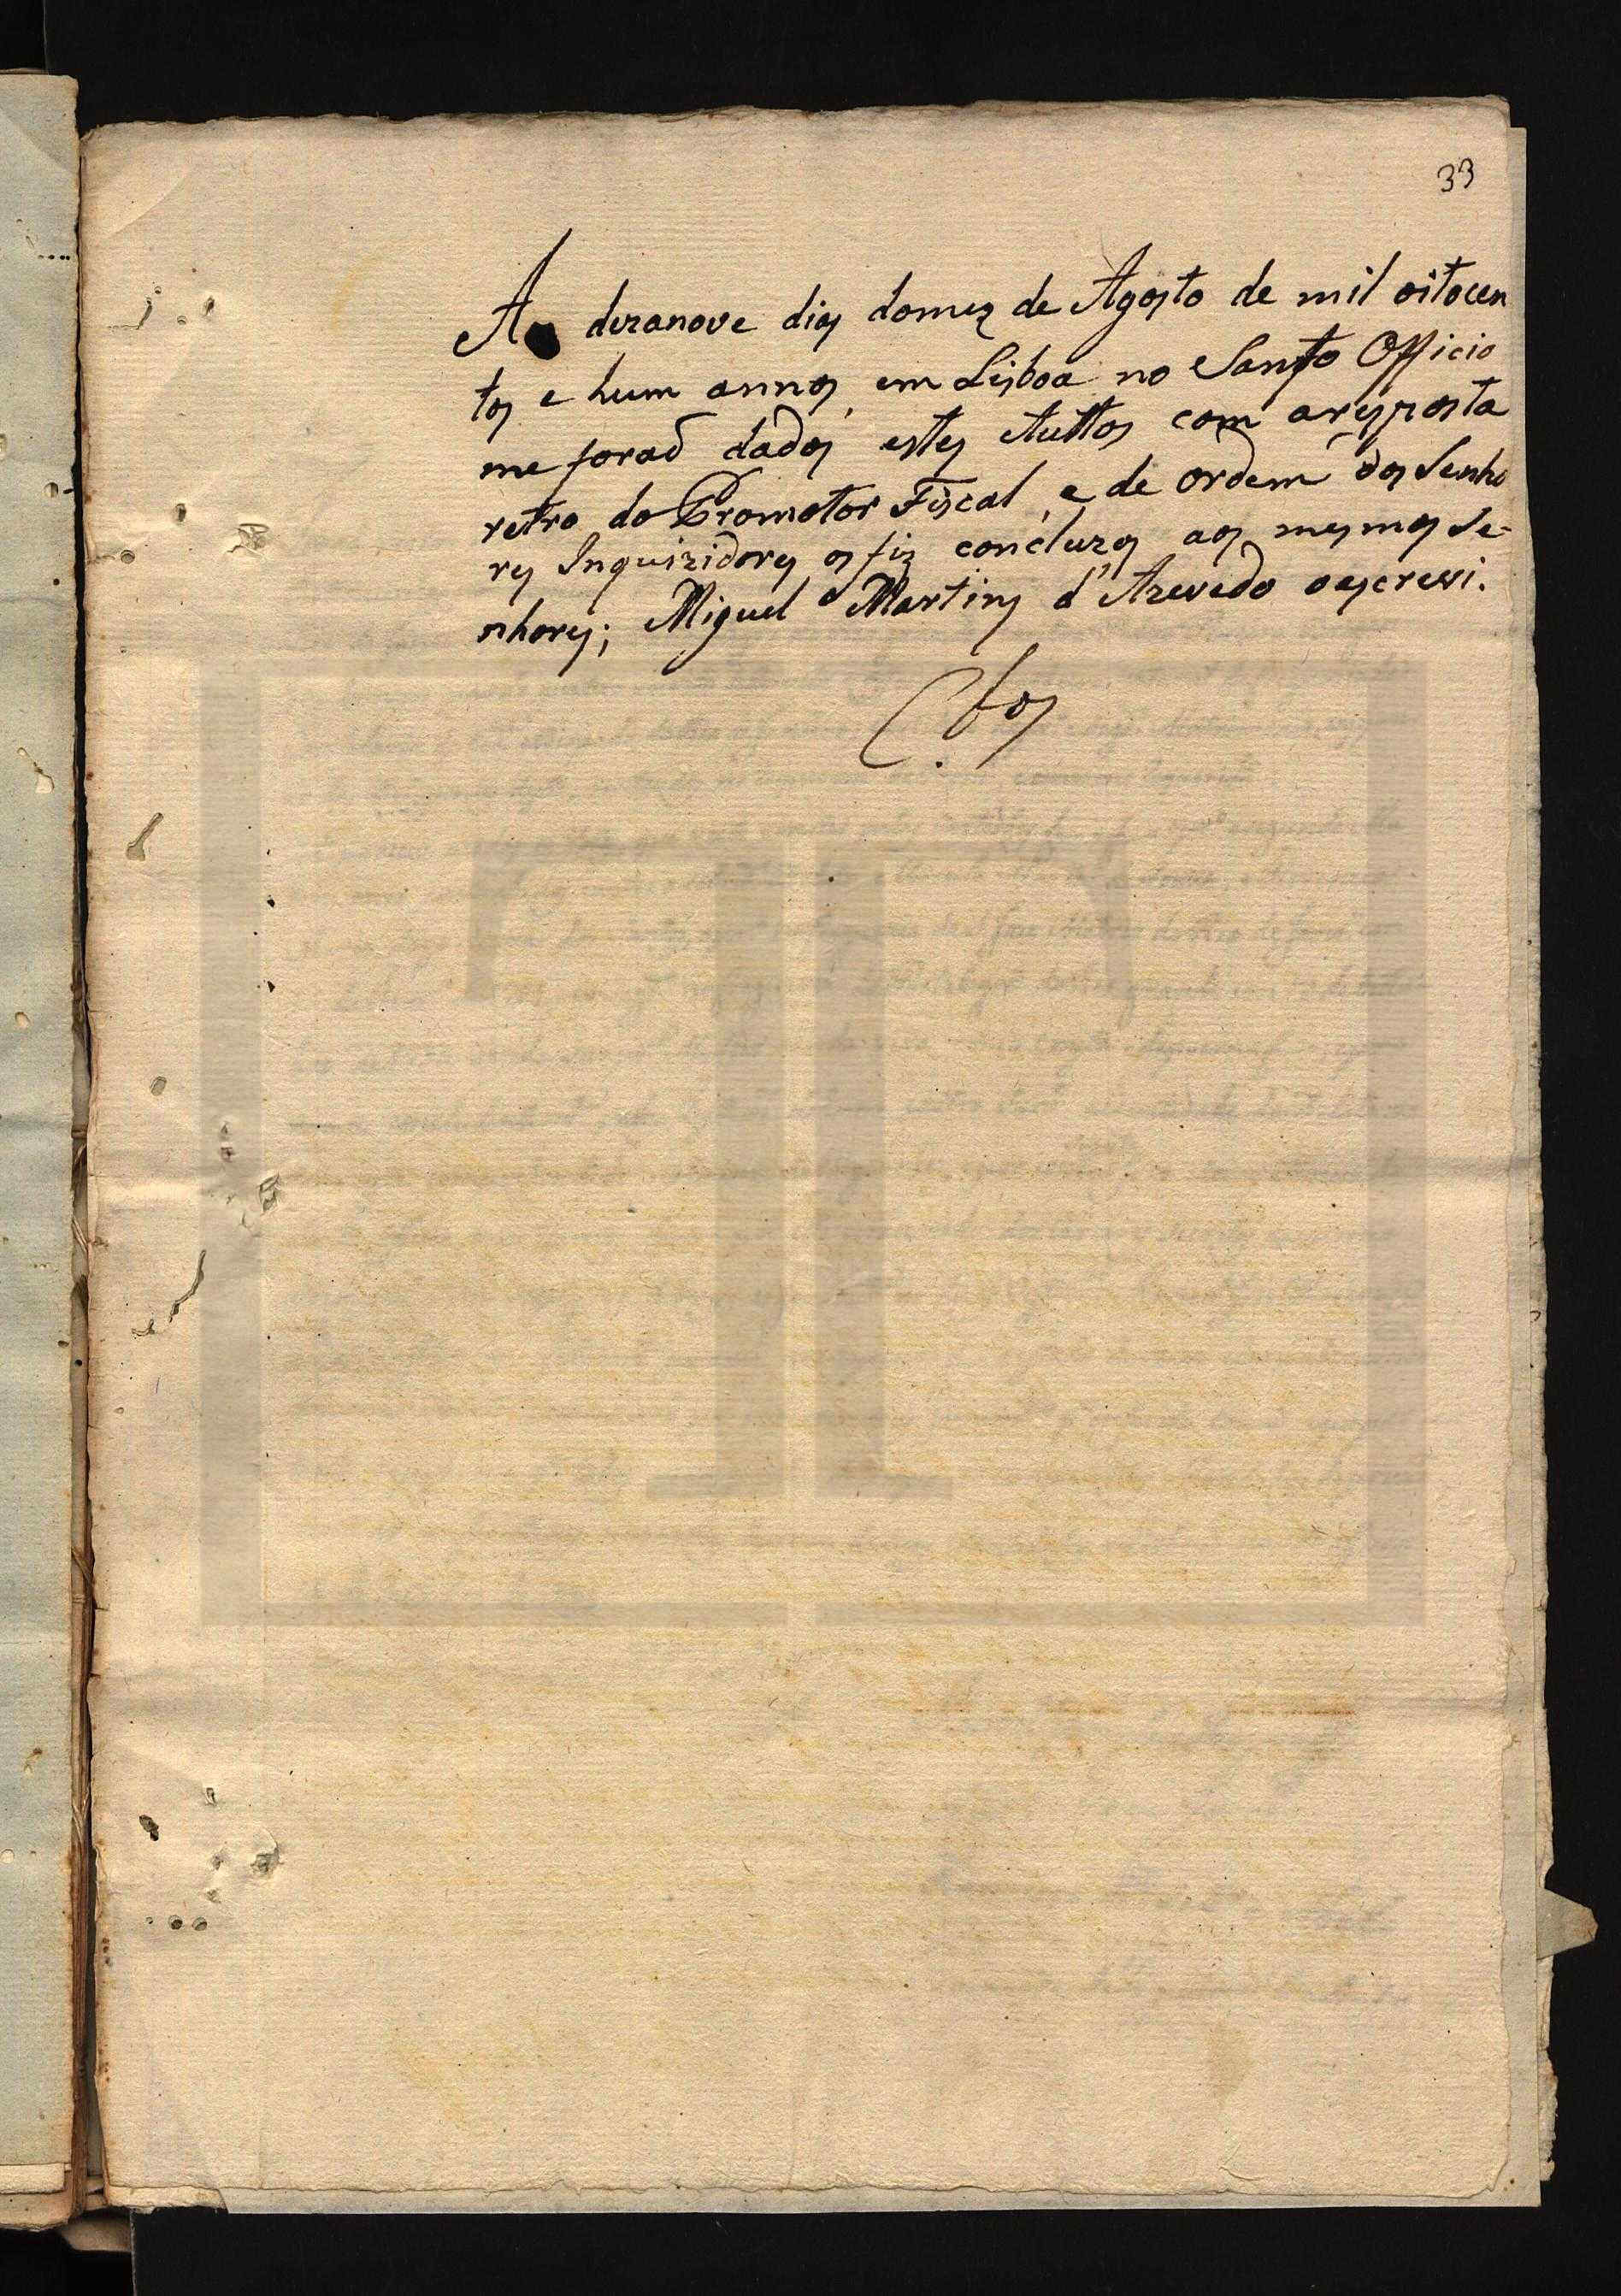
A_ dezanove dias do mez de Agosto de mil oitocen
to e hum annos, em Lisboa no Santo Officio
me foraõ dados esttes Auttos com a resposta
retro do Promotor Fiscal, e de ordem dos Senho
res Inquizidores os fiz concluzos aos mesmos Se
nhores; Miguel Martins d'Azevedo o escrevi:
C.los
